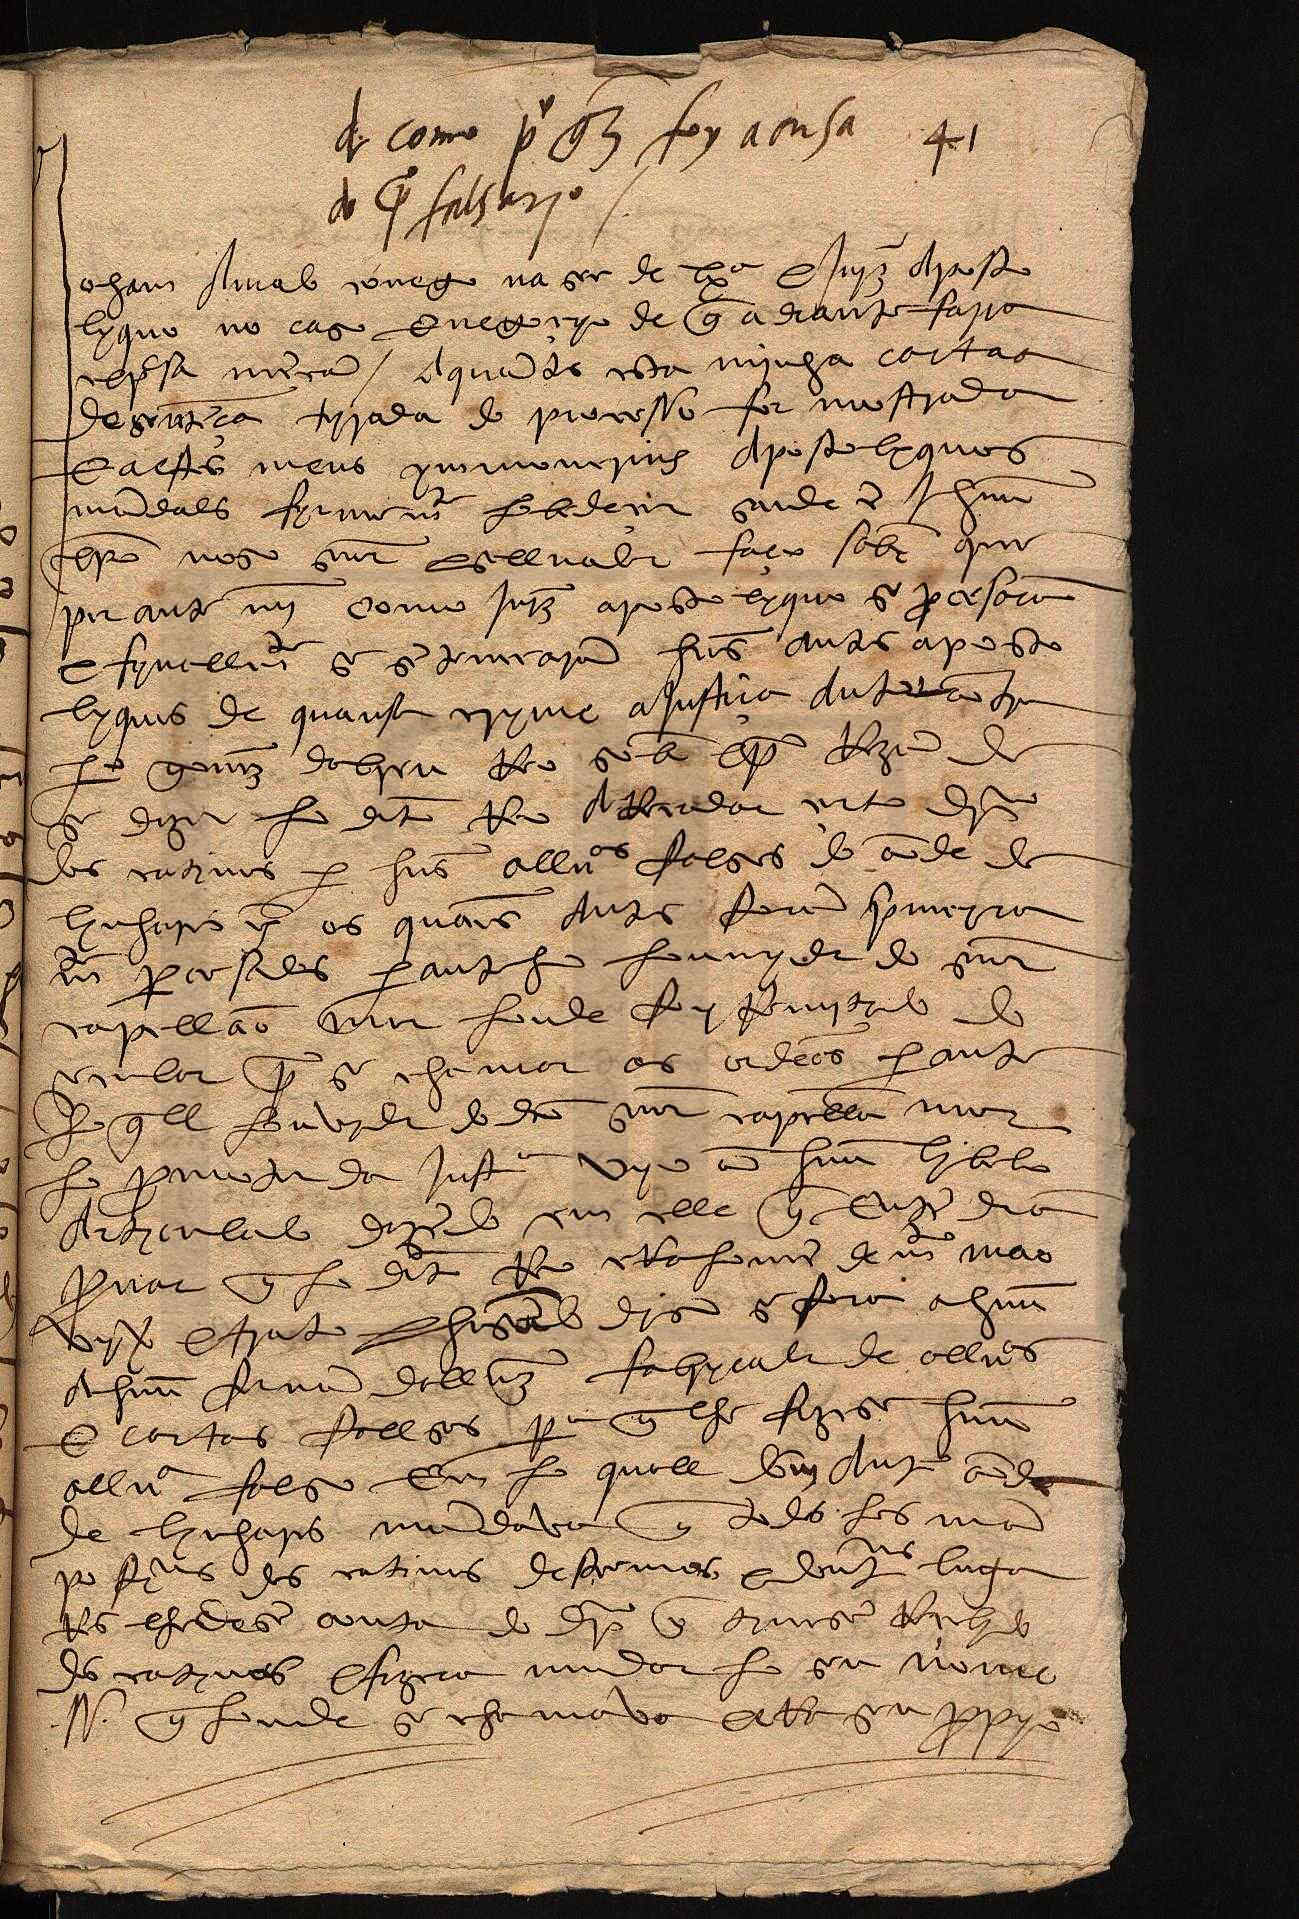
41
de como po gz̄ foy acusa
do p̄o falsarjo
Joham Amado conego na see de lxa e Juiz Aposto
lyquo no caso E negocyo de q̄ adiante fazia
exp̄sa mēçā / A quātos esta mjnha cartaa
de sentēça tyrada do processo for mostrada
E a estes meus ymmouerius Apostolyquos
mādados fyrmemte hobedecer saude ē Jhūu
x̄po noso sn̄or e salluador faço sab̄r que
perante m̄j como Juiz apostolyquo se ꝓcesarā
e fynallmte se sētencearā hus̄ autos aposto
lyquos de quausa cryme a Justiça Autor cōtra
ꝑo gomez dabreu Reo sob̄r e p̄o Rezā de
se dizer ho dito Reo ARecadar certo drro
dos catiuos ꝑ hūs alluas falsos do c̄ode de
lynhares c̄ꝭ os quaes Autos forā p̄meyra
mte ꝓcesados ꝑante ho ouuydor do sn̄or
capellão mor honde foy Remjtido do
secular p̄o se chamar as ordēs ꝑante
ho q̄ll houvydor do dtō snōr capellā mor
ho ꝓomotor da Justa veyo c̄o huū ljbelo
Artjculado dizēdo em elle q̄ Entēdia
ꝓuar q̄ ho dito Reo era homē de mto mao
vyꝟ e trato e husādo djso se fora a huū
A huū fernādalluz̄ fabrycador de alluas
E cartas fallsas ꝑa q̄ lhe fizese huū
allua falso Em ho quall dom Anto cōde
de lynhares mādava q̄ todo hos mā
posteyros dos catiuos destremos e doutros luga
Res lhe desē conta do drro q̄ tiuesē Recebjdo
dos catyuos e fizera mudar ho seu nome
.ss. q̄ honde se chamava e eRa seu ꝓpyo
